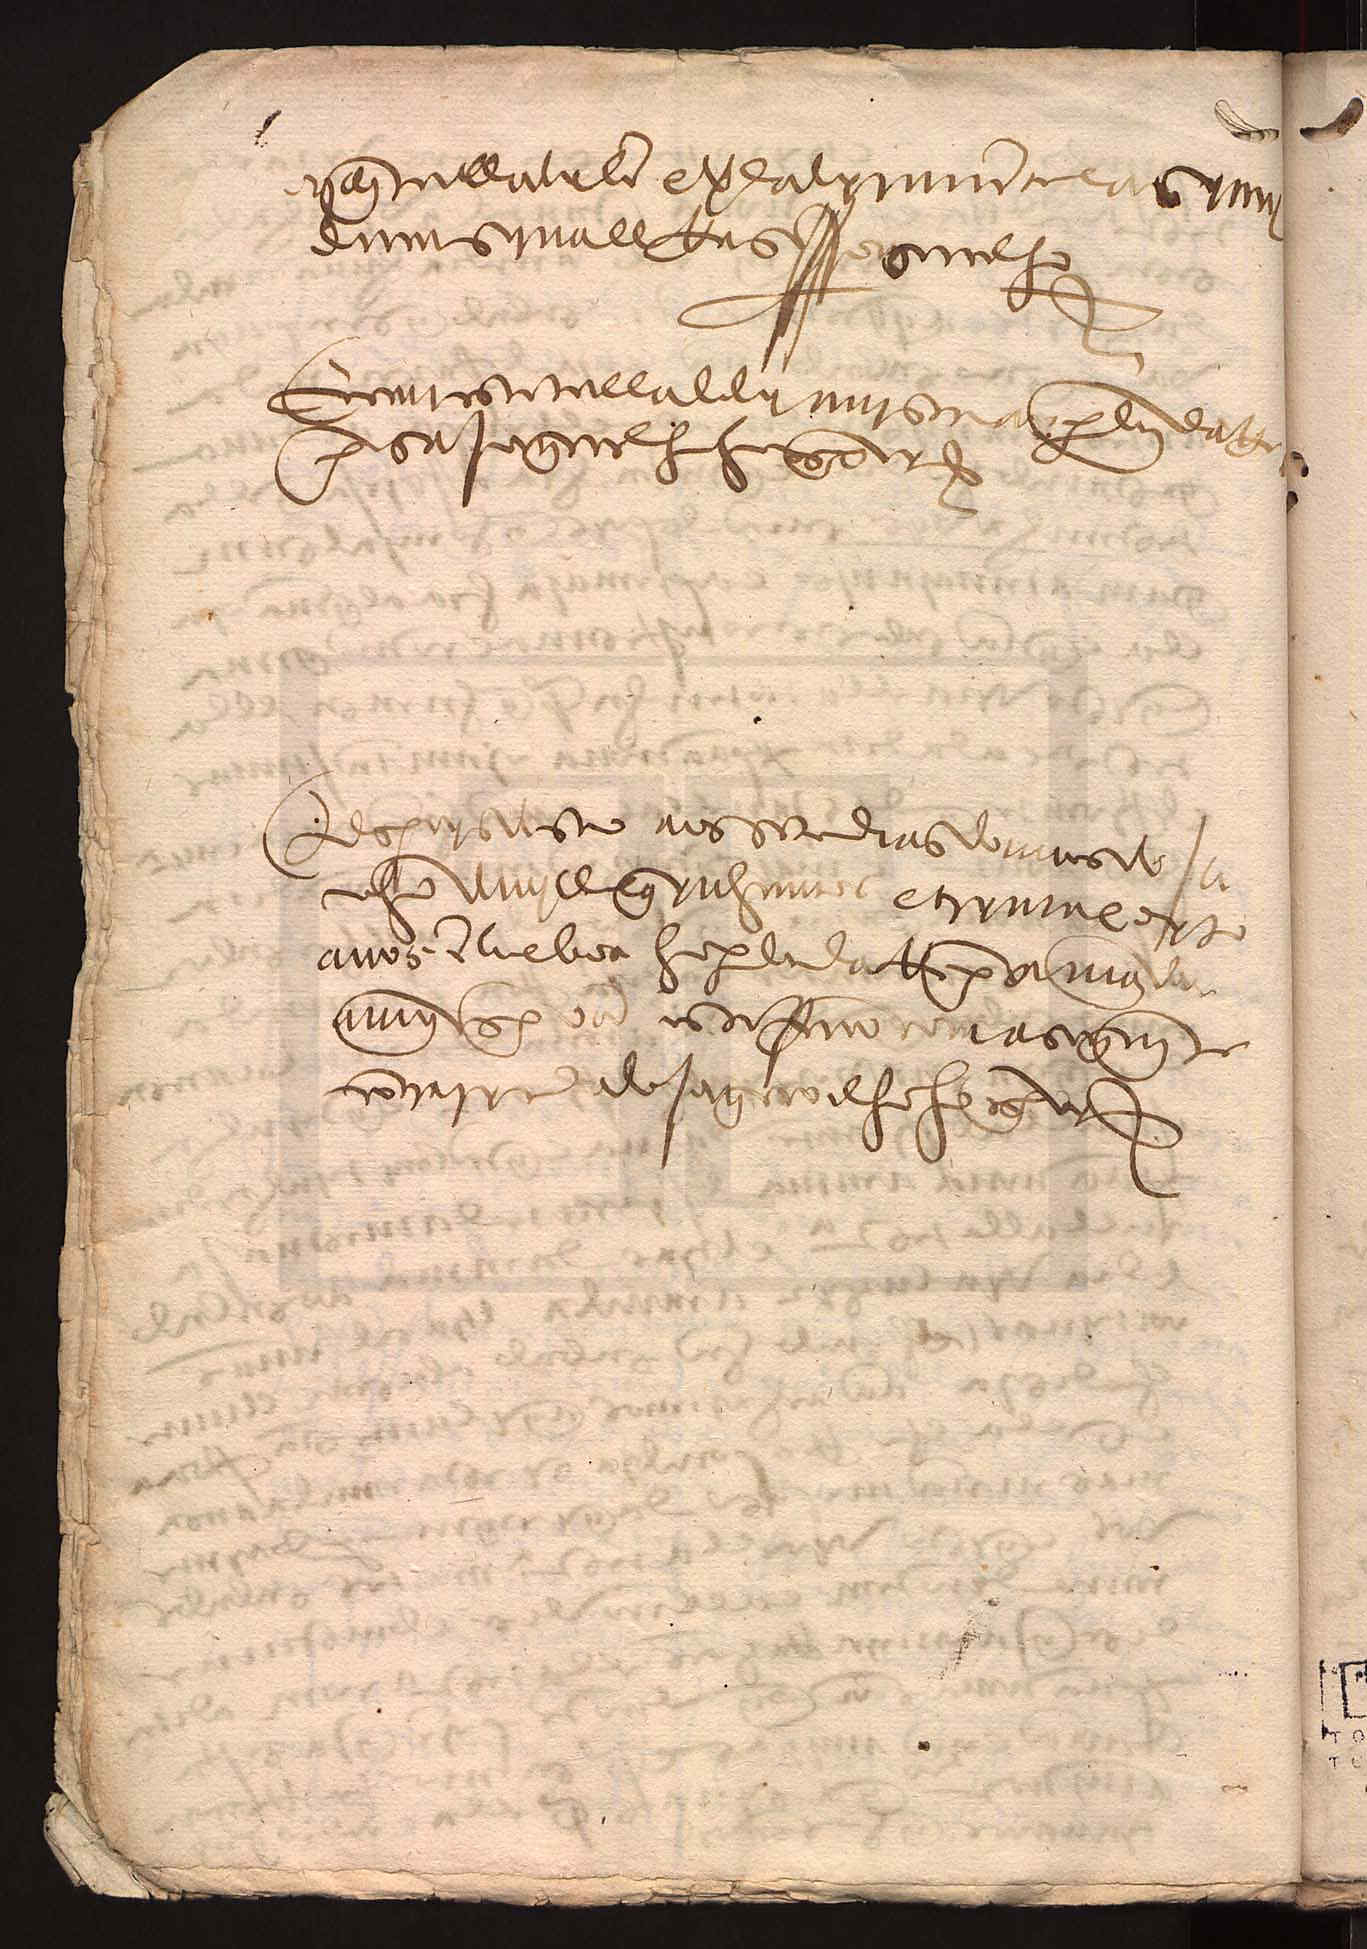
o q̄ll trelladey bē e ꝟdadeyramēte e asyney
de meu synall Raso Jorge coelho
E com este trellado dey a ujsta ao ꝑdor da Re
p̄sa Jorg coelho ho esp̄vy
E despoys desto aos sete dias do mes de Ju
nho de mjll e q̄ynhemtos e trynta e oyto
anos ē lixboa ho ꝑdor da Re p̄a mādou
a mȳ esp̄vā este feito com a seguj̄te
cōtraryedade Jorge coelho ho esp̄vy
